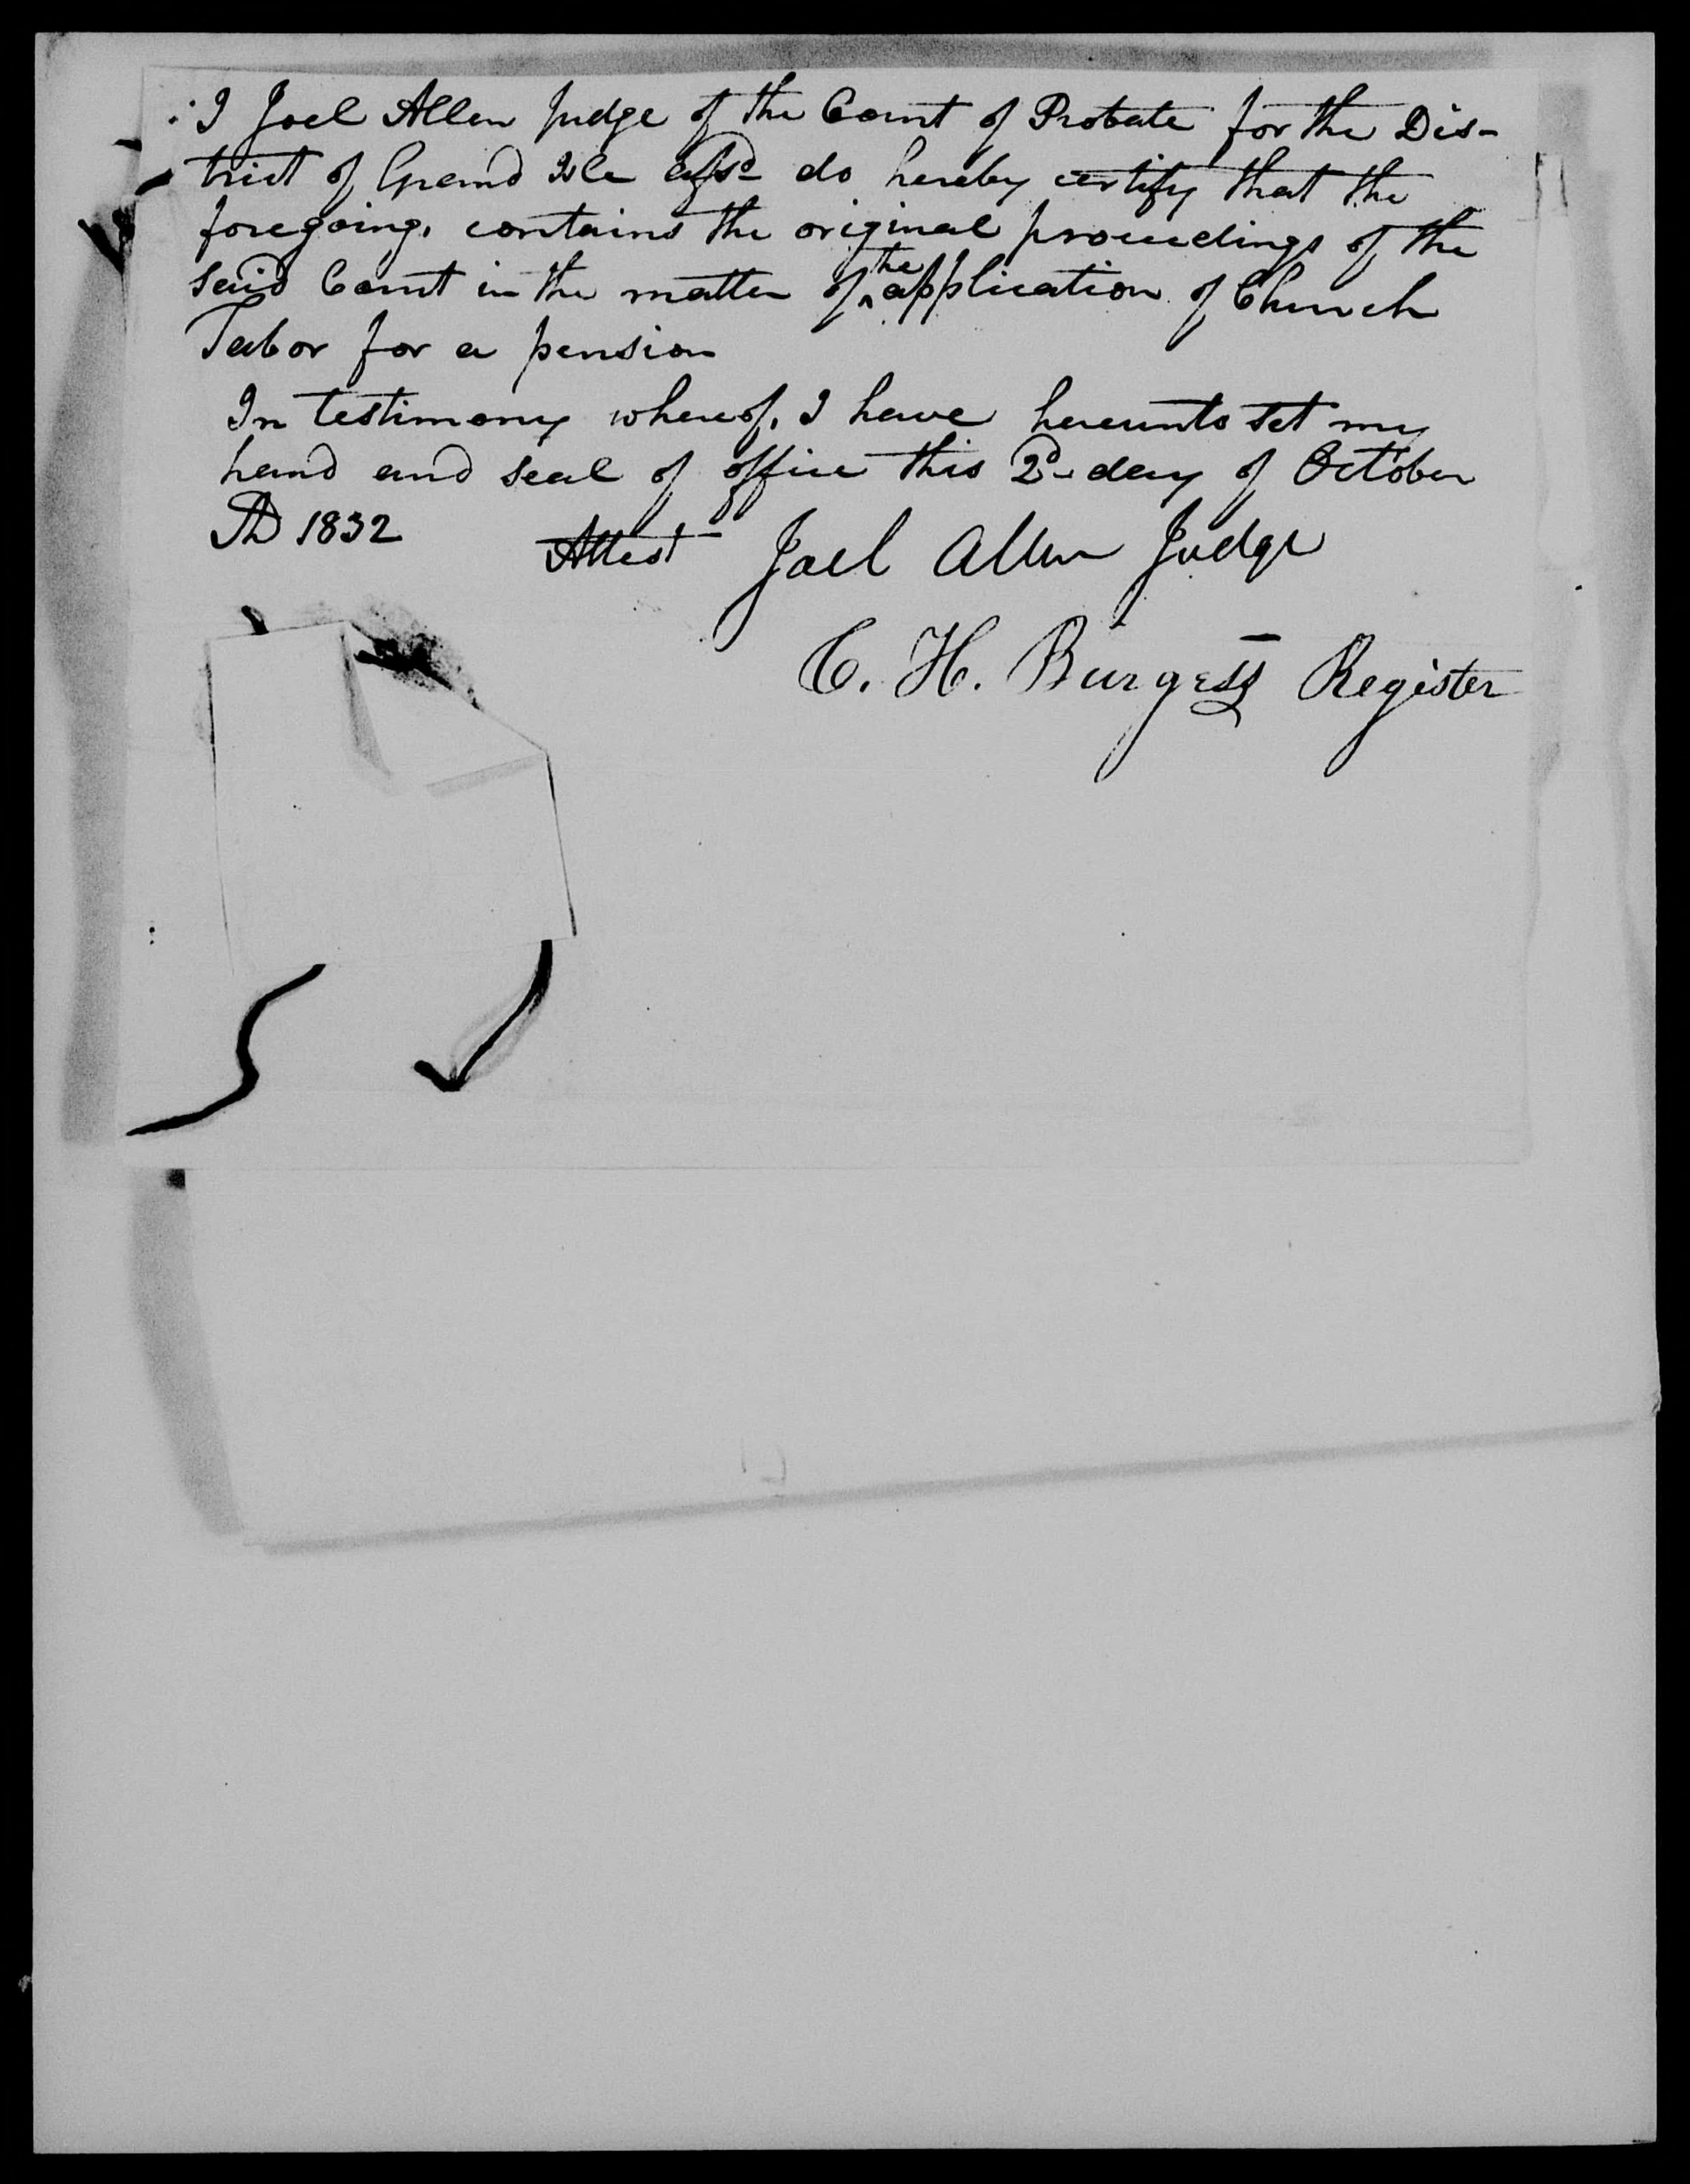I Joel Allen Judge of the Court of Probate for the District of Grand Isle aforesaid do hereby certify that the foregoing contains the original proceedings of the said Court in the matter of the application of Church Tabor for a pension.
In testimony whereof I have hereunto set my hand and seal of office this 2d day of October AD 1832.
Attest Joel Allen Judge
C. H. Burgess Register
(Seal)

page: 15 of 41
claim: widow's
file: W 26507, for Church Tabor, Massachusetts